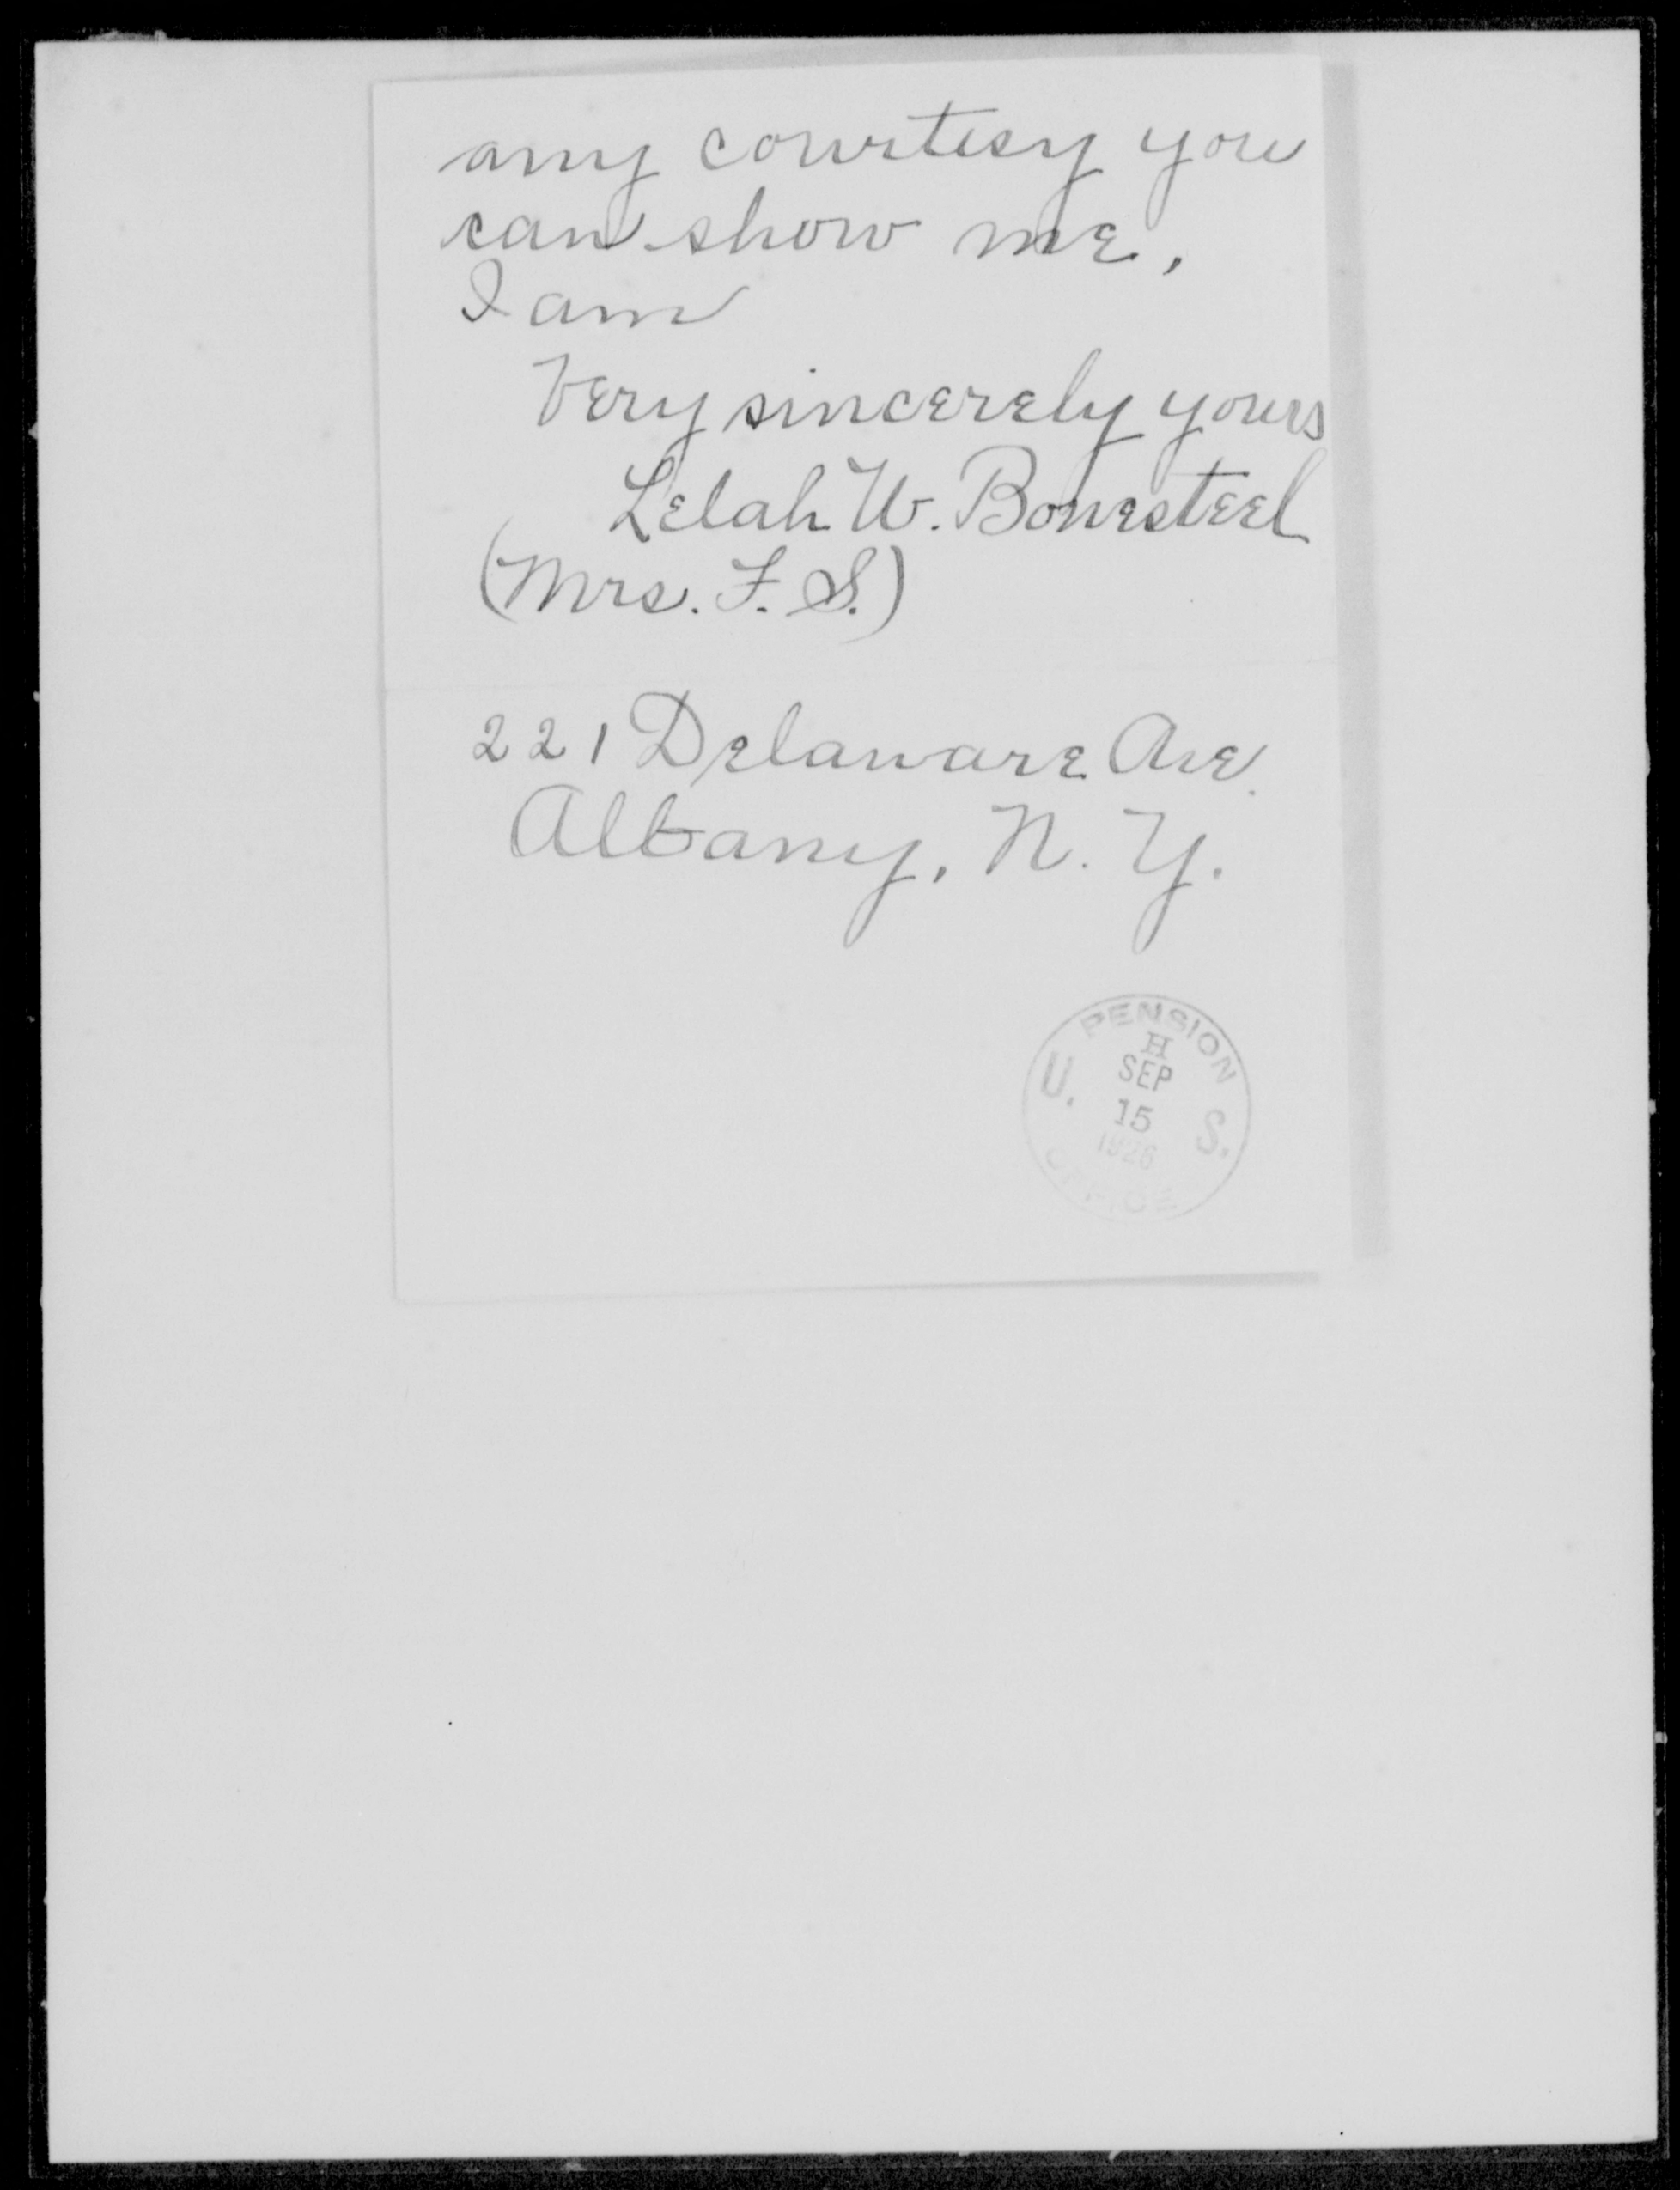any courtesy you can show me.
I am
Very sincerely yours
Lelah W. Bonesteel
(Mrs. F.S.)
221 Delaware are
Albany, N.Y
[circular stamp]
US Pension Office
H
SEP 15 1926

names: F S, Lelah W Bonesteel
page: 28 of 38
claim: widow's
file: W. 23324, Rudolphus Van Hoevenbergh, New York